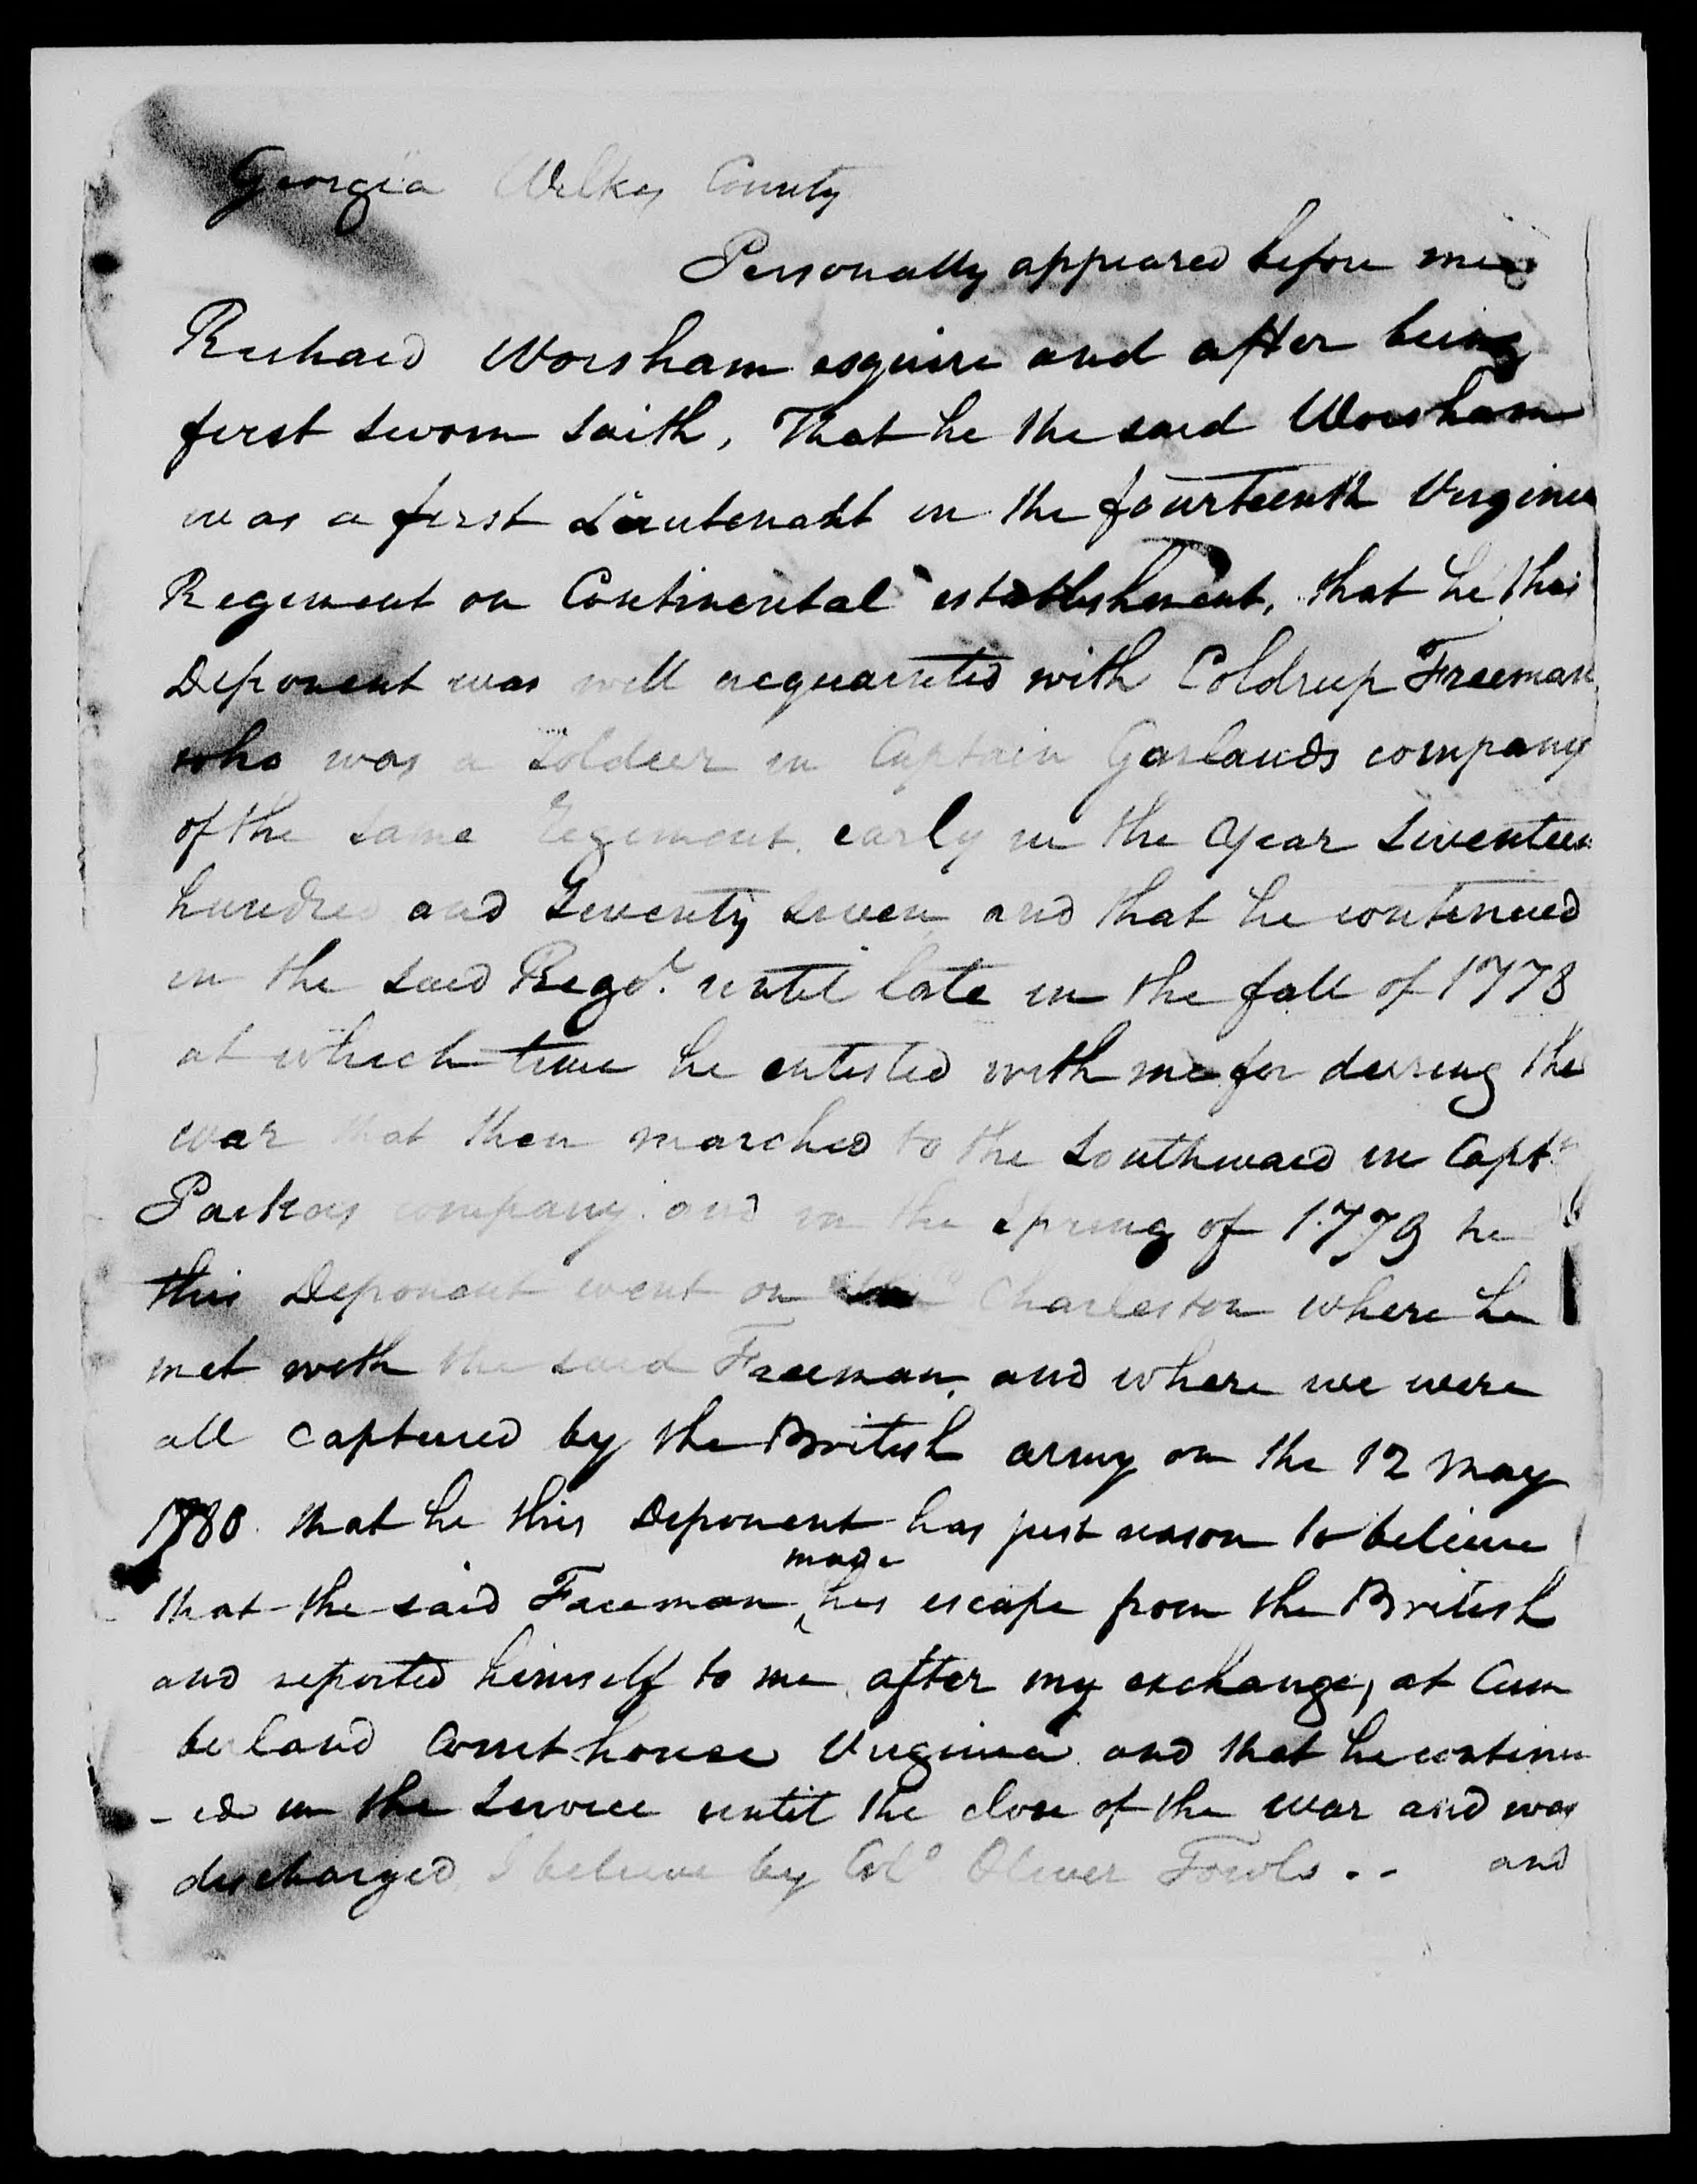Georgia Wilkes County

Personally appeared before me Richard Worsham esquire and after being first sworn saith, That he the said Worsham was a first Lieutenant in the fourteenth Virginia Regiment on Continental establishment. That he the Deponent was was well acquainted with Coldrup Freeman who was a soldier in Captain Garlands company of the same regiment early in the year seventeen hundred and seventy seven and that he continued in the said Regt. until late in the fall of 1778 at which time he enlisted with me for during the war that then marched to the Southward in Capt. Parkers company and in the Spring of 1779 he this Deponant went on to Charleston where he met with the said Freeman and where we were all captured by the British army on the 12 May 1780.  That he this Deponent has just reason to believe that the said Freeman made his escape from the British and reported himself to me after my exchange, at Cumberland Courthouse Virginia and that he continued the service until the close of the war and was discharged I believe by Colo. Oliver Fowls . . and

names: Richard Worsham, Coldrup Freeman, Freeman, Freeman, Oliver Fowls, Worsham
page: 14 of 15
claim: survivor's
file: S. 37,941, Coldrup Freeman, Va.